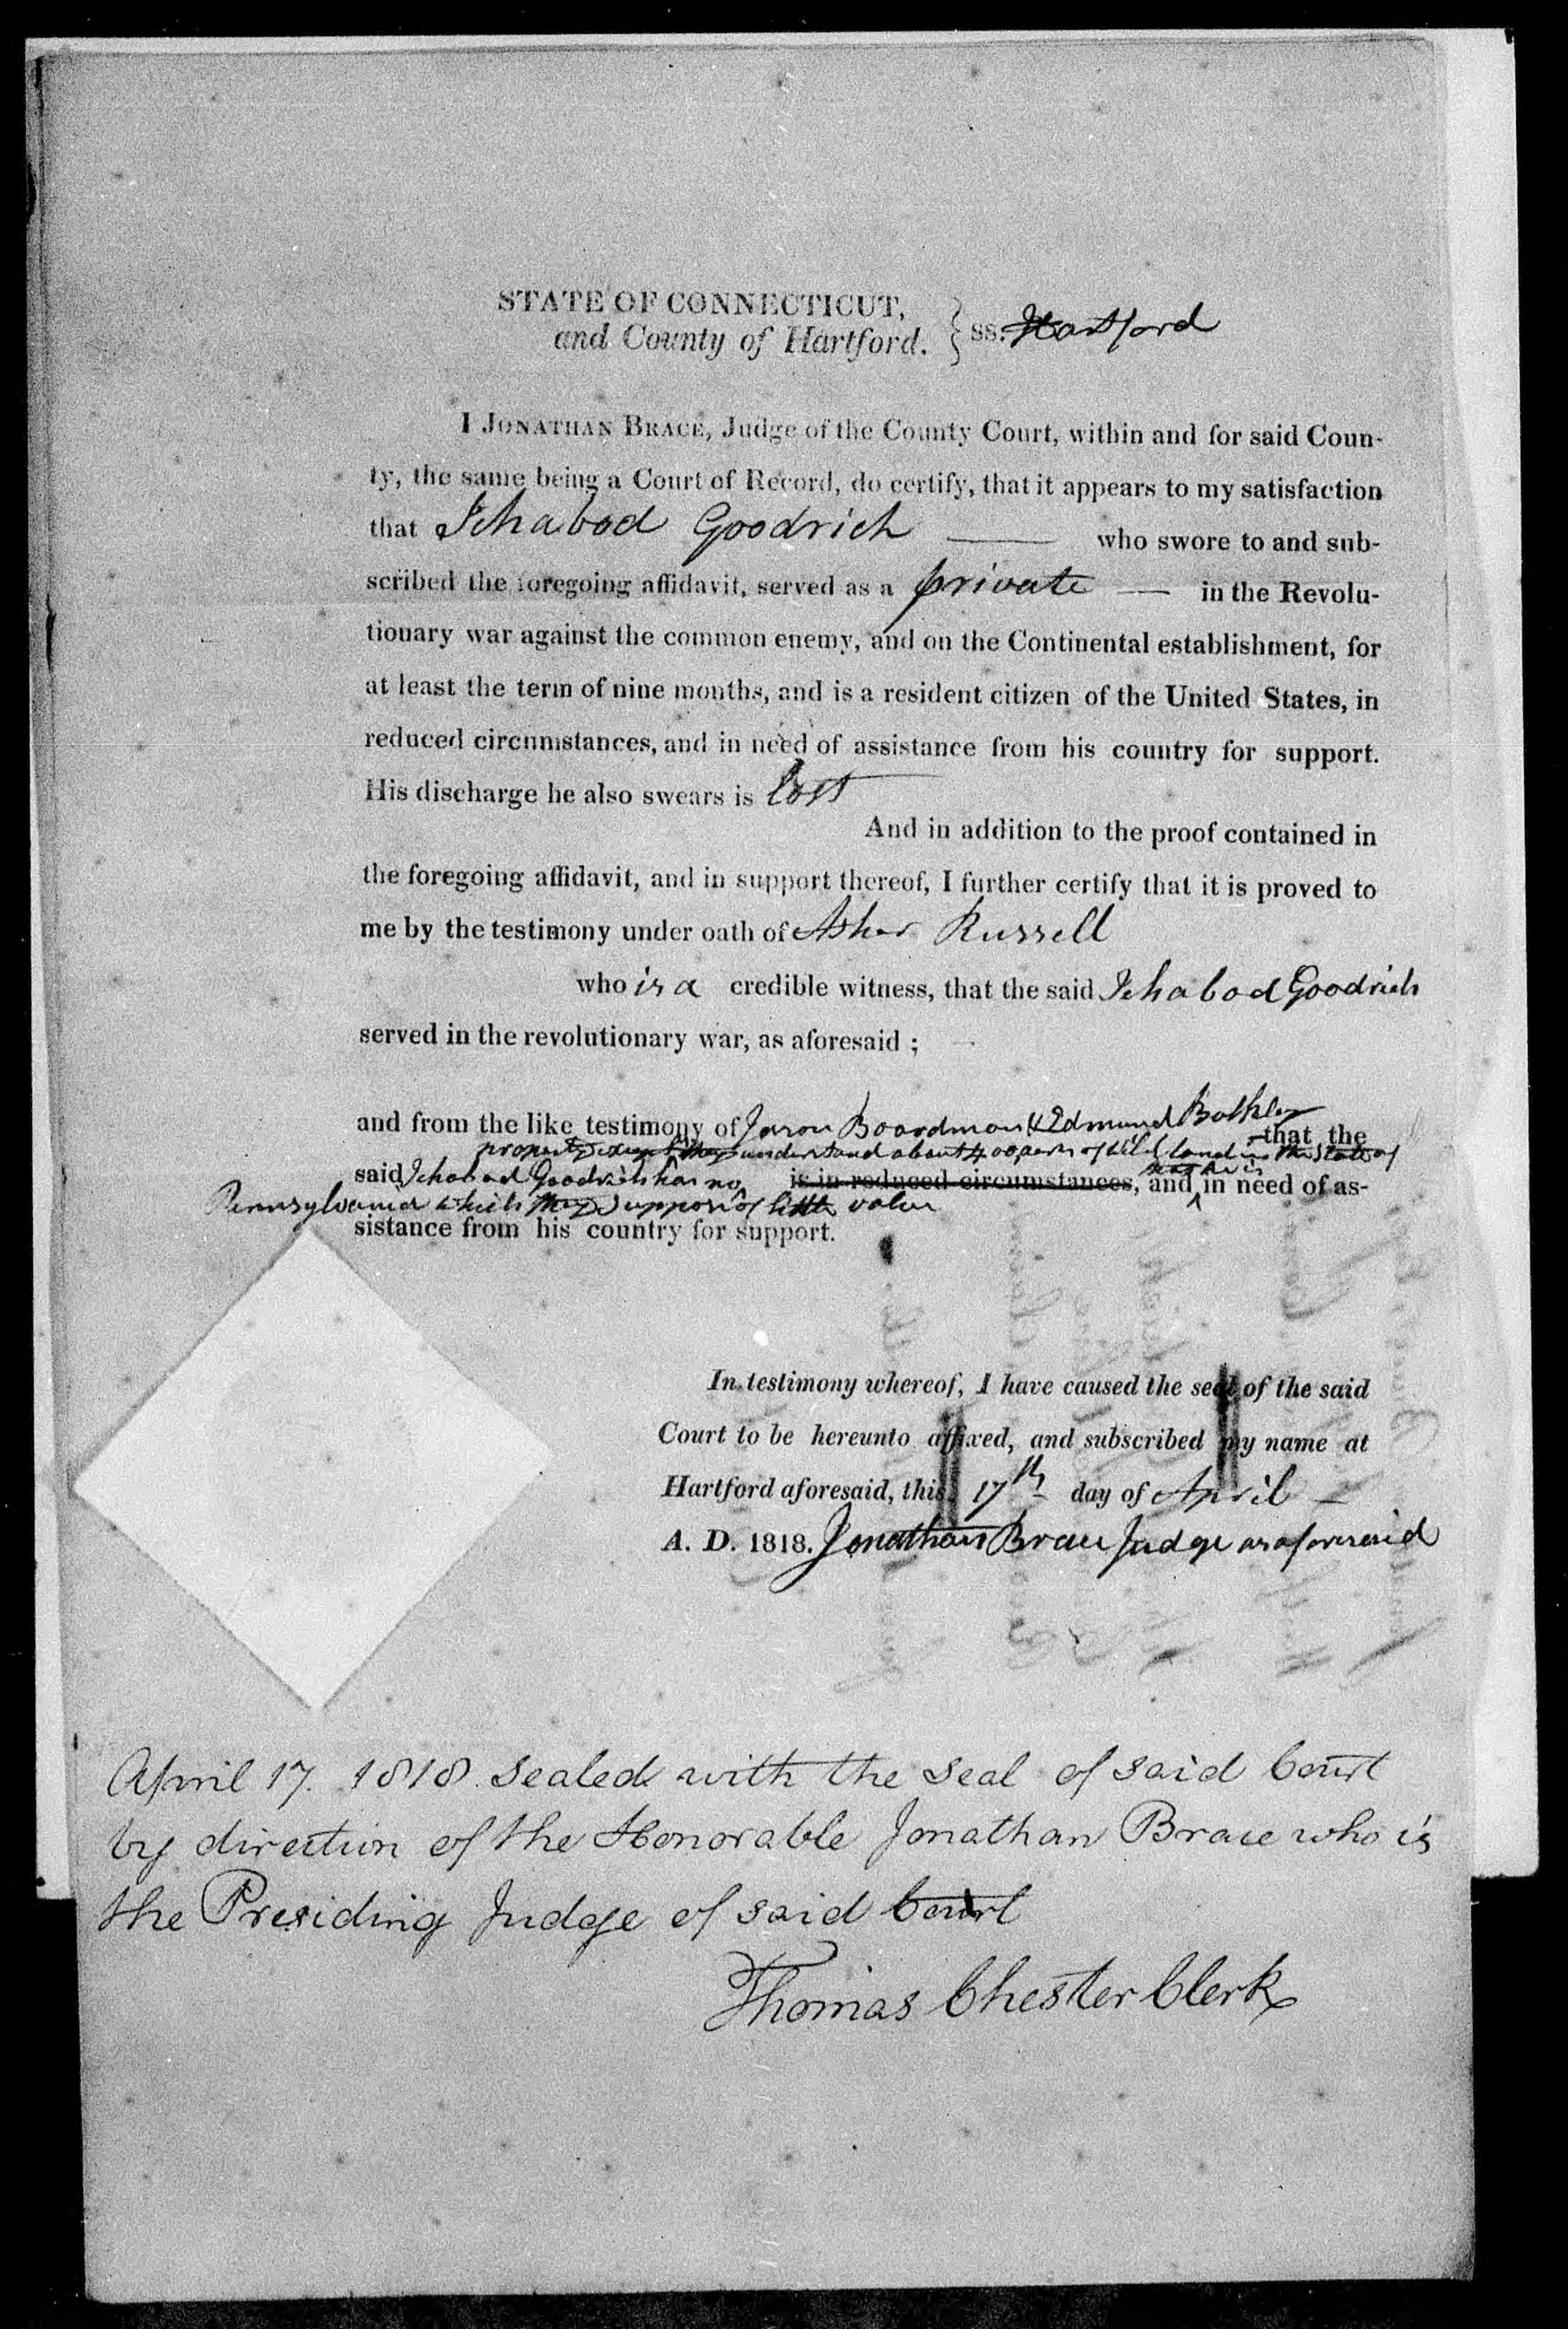STATE OF CONNECTICUT,
and County of Hartford. } SS. Hartford

I JONATHAN BRACE, Judge of the County Court, within and for said County, the same being a Court of Record, do certify, that it appears to my satisfaction that Ichabod Goodrich who swore to and subscribed the foregoing affidavit, served as a private in the Revolutionary war against the common enemy, and on the Continental establishment, for at least the term of nine months, and is a resident citizen of the United States, in reduced circumstances, and in need of assistance from his country for support. His discharge he also swears if lost.

And in addition to the proof contained in the foregoing affidavit, and in support thereof, I further certify that it is proved to me by the testimony under oath of Asher Russell who is a credible witness, that the said Ichabod Goodrich served in the revolutionary war, as aforesaid;

and from the like testimony of Aaron Boardman & Edmund Bolkley that the said Ichabod Goodrich has no property except they understand about 400 acres of which land is in the state of Pennsylvania which they suppose has no or little value. And that he is in need of assistance from his country for support.

In testimony whereof, I have caused the seal of the said Court to be hereunto affixed, and subscribed my name at Hartford aforesaid, this 17th day of April A. D. 1818.
Jonathan Brace Judge as aforesaid.

April 17 1818 Sealed with the seal of said Court by direction of the Honorable Jonathan Brace who is the Presiding Judge of said Court.
Thomas Chester Clerk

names: Jonathan Brace, Jonathan Brace, Ichabod Goodrich, Jonathan Brace, Thomas Chester, Ichabod Goodrich, Asher Russell, Jason Boardman, Edmund Balkley, Ichabod Goodrich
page: 4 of 46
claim: survivor's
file: S. 36,556, Ichabod Goodrich, Conn.